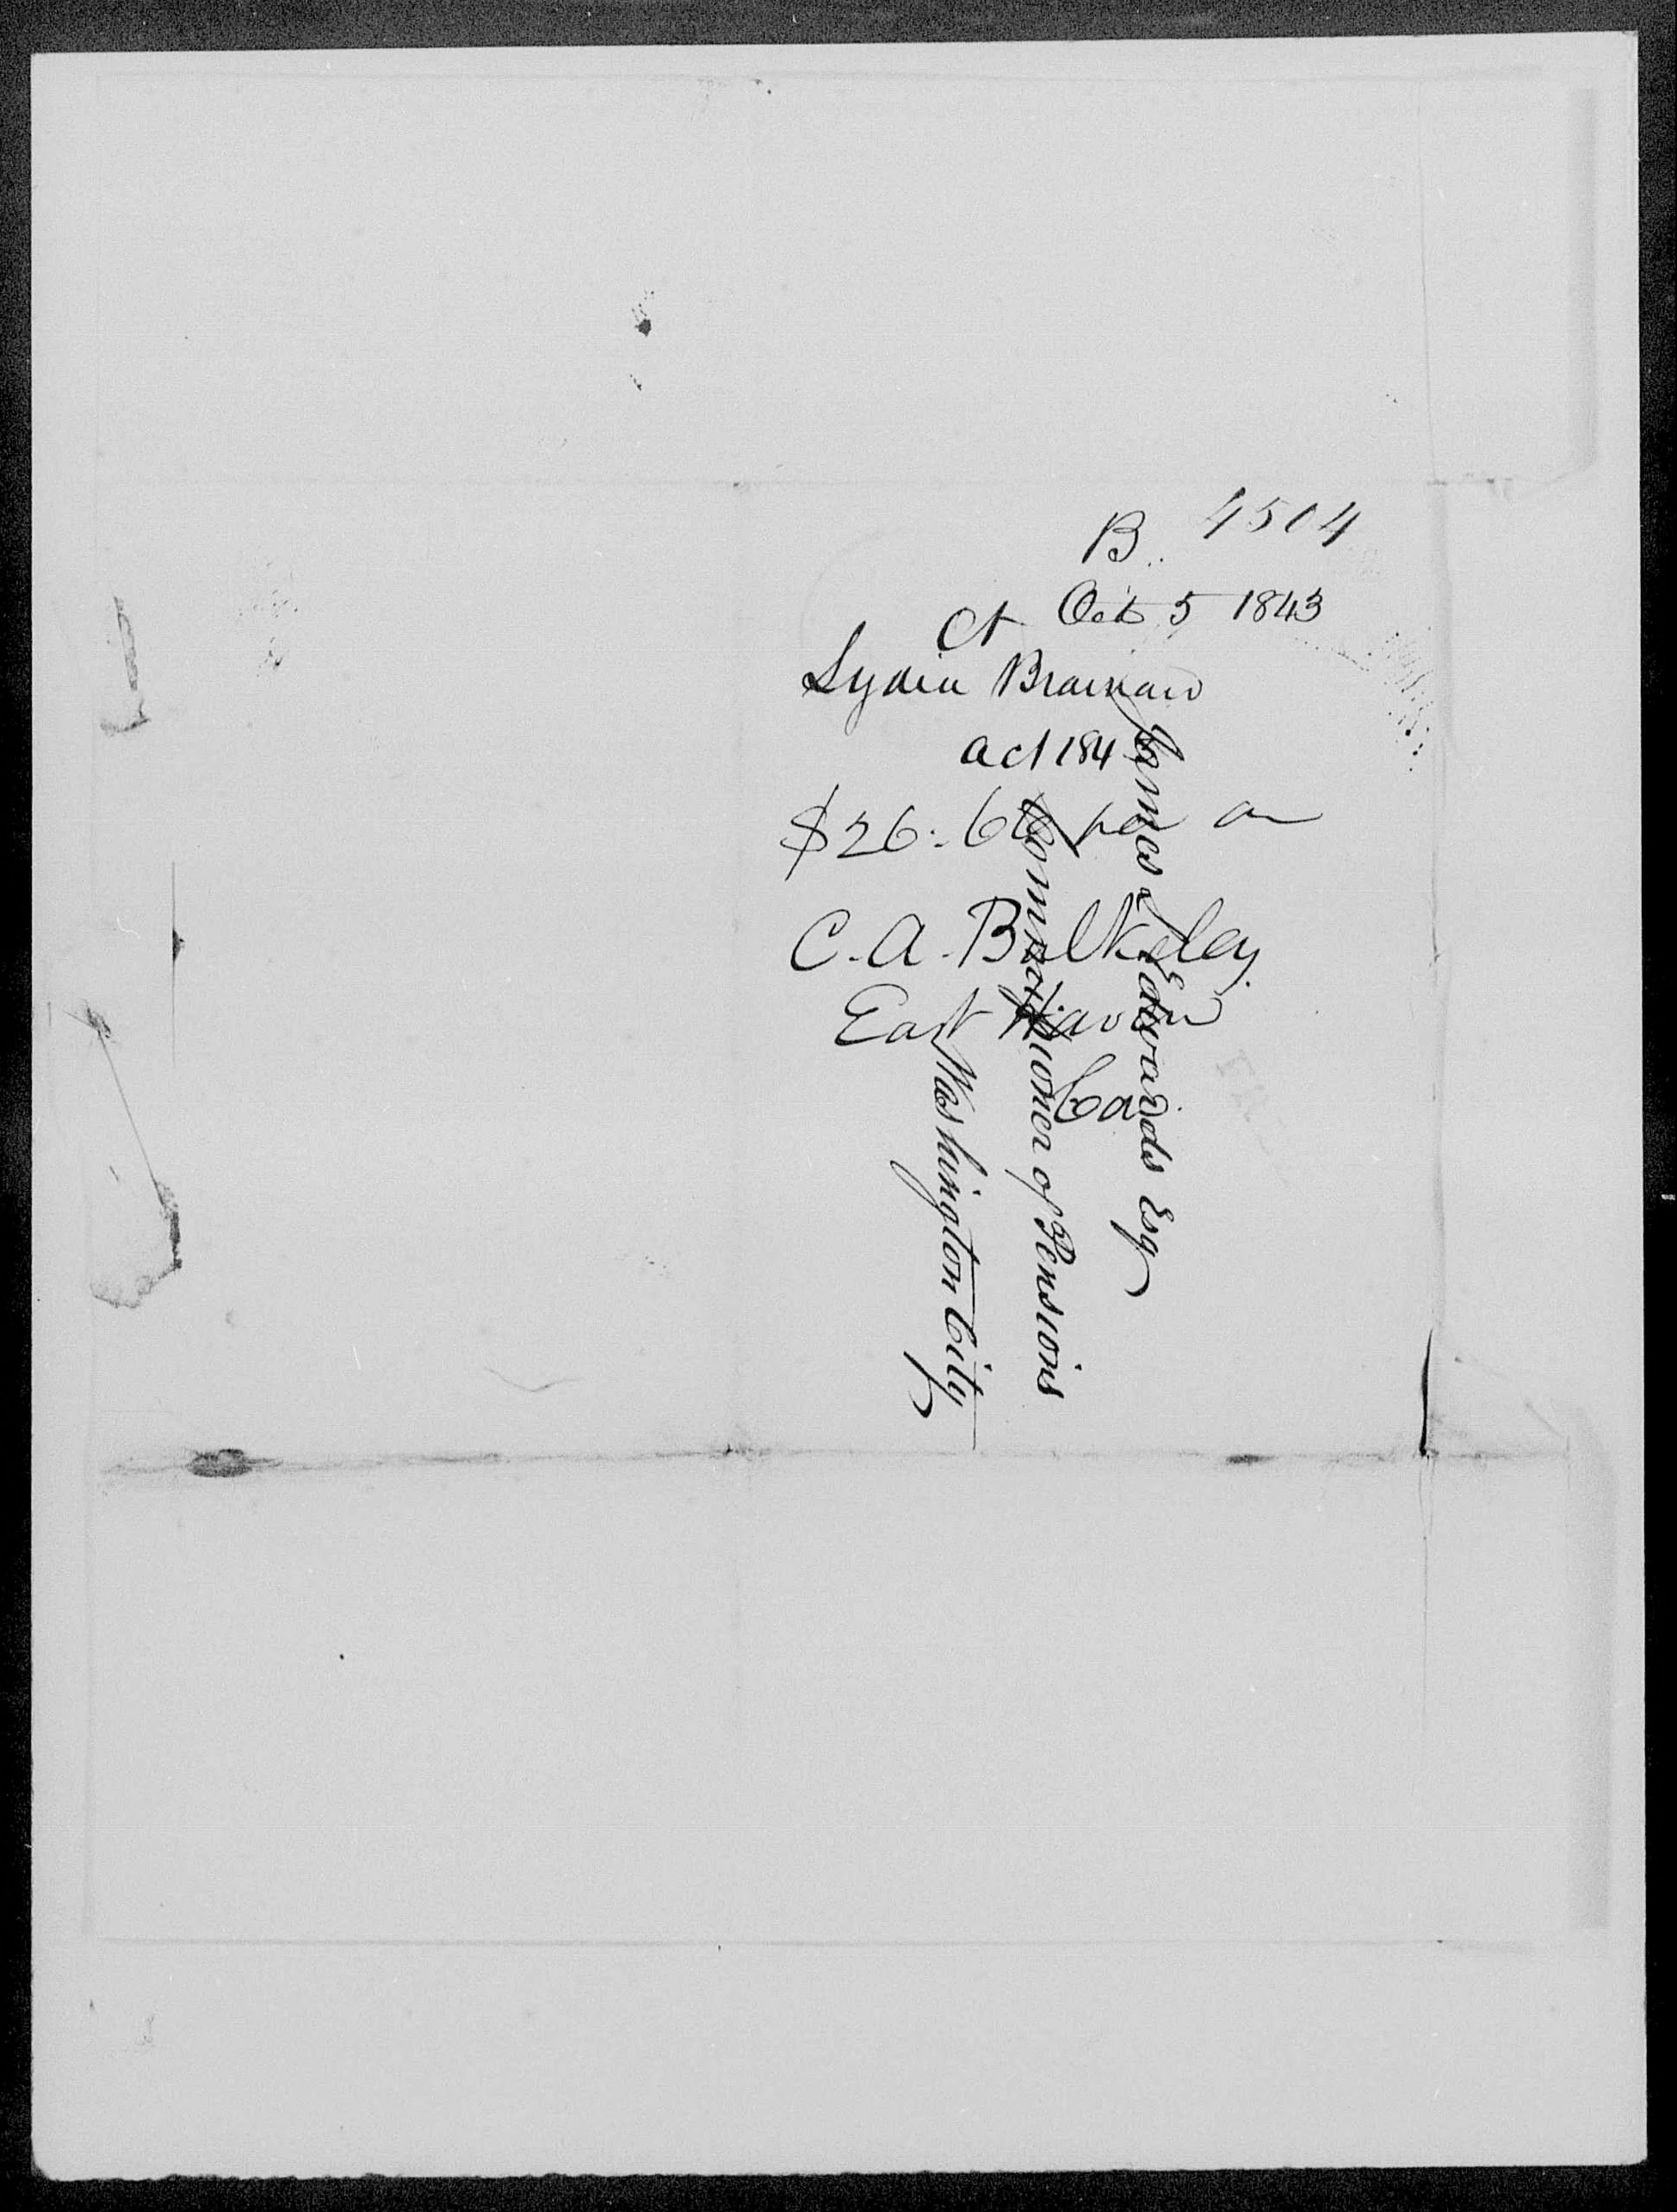[envelope]
[note written from left edge]
B 4504
Ct Oct 5 1843
Lydia Brainard
Act 1843
$26.66 per an
C. A. Bulkeley
East Haven Ct.

[addressee]
James L Edwards Esq
Commissioner of Pensions
Washington City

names: Lydia Brainard, C A Bulkeley, James L Edwards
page: 13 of 25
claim: widow's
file: W. 23,671, Bezaleel Brainard, Conn.